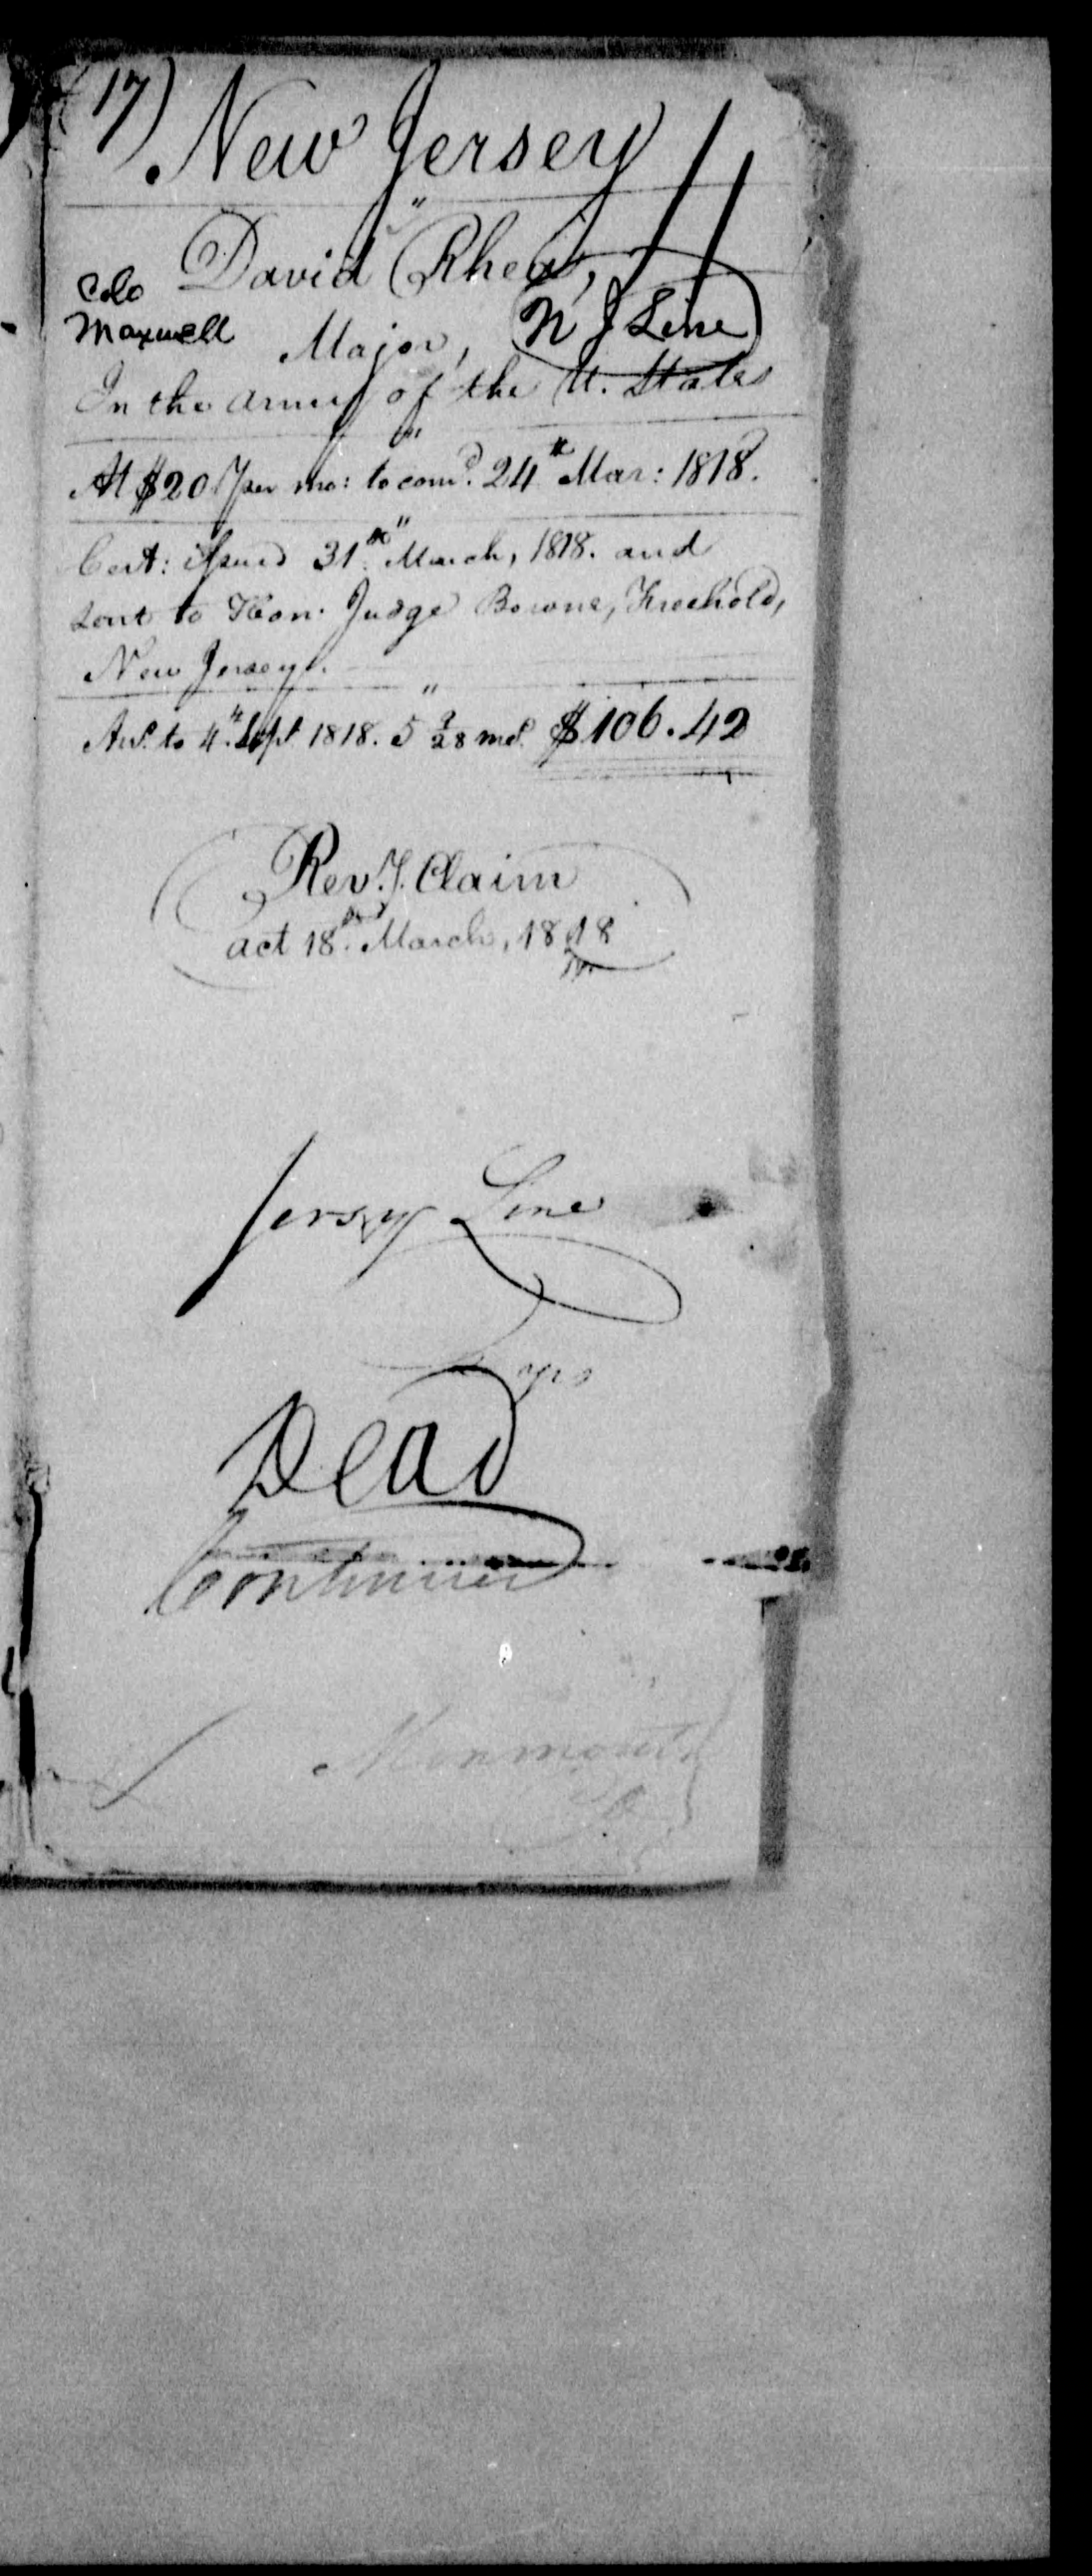(17) New Jersey
David Rhea,
Colo Maxwell
Major, N J Line
In the Army of the U. States
At $20 Yan mo: to com'e [commence] 24th Mar: 1818.
Cert: issued 31st March, 1818. and
Sent to Hon. Judge Bowne, Freehold,
New Jersey.
Arr's [arrears] to 4th Sept. 1818. 5 8/28 mos $106.42
Rev'y Claim
Act 18th March, 1818
Jersey Line
2 yrs
Dead
Continued
Monmouth Co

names: [BLANK] Maxwell; [BLANK] Bowne; David Rhea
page: 2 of 21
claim: survivor's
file: S. 33,554, for David Rhea, New Jersey